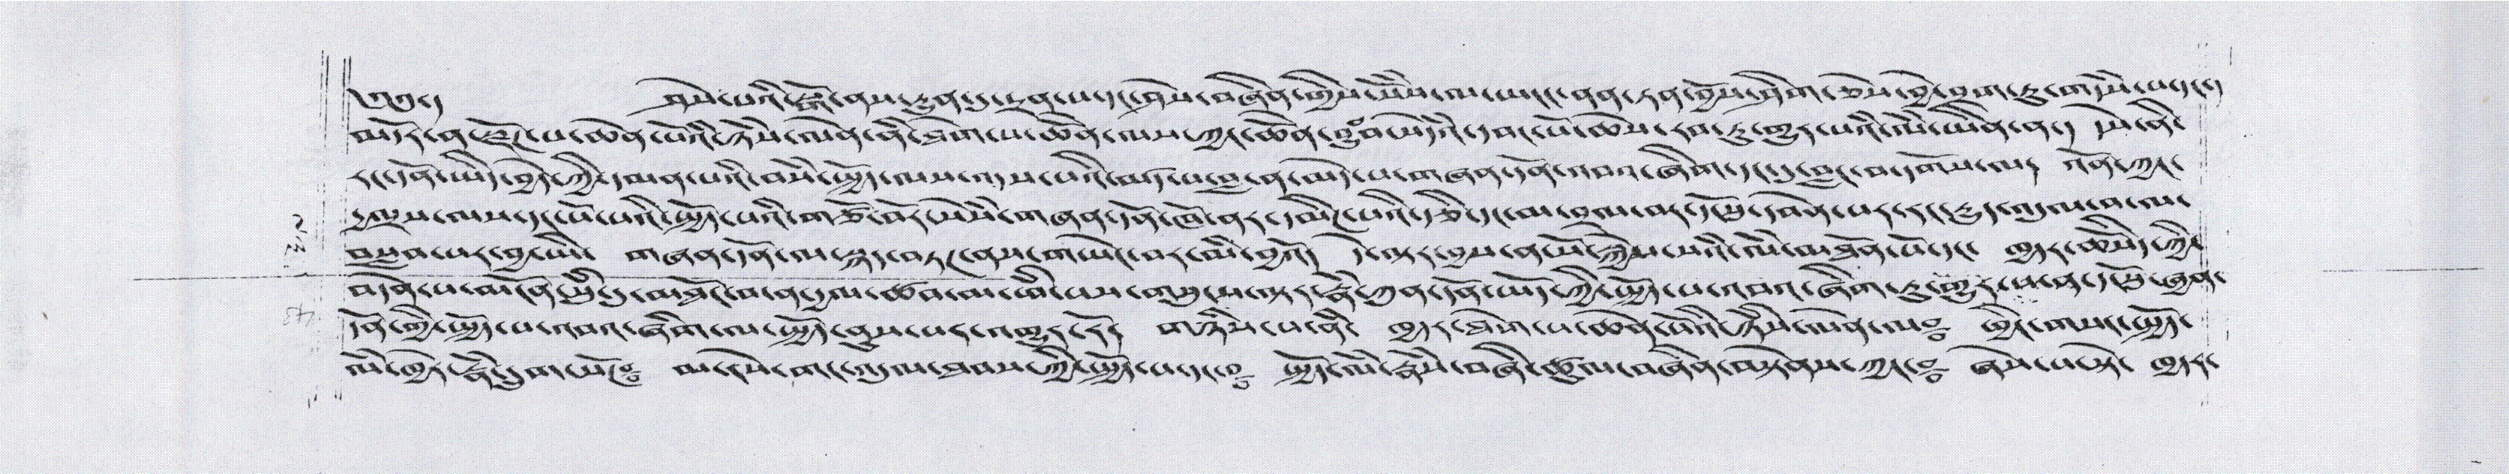ཤེས་པའི་སྒོ་ནས་རྒྱུན་དུ་དྲན་པ་དང་ཤེས་བཞིན་གྱིས་སོམས་ལ་ཡང་ཡང་ནན་ཏན་བྱོས་ཤིག་ཅེས་བྱེ་བྲག་ཏུ་གདམས་པ་དང་། 
མདོར་ན་རྫོགས་པ་ཆེན་པོའི་ཉམས་ལེན་ནི་རྫོགས་པ་ཆེན་པོ་ལས་ཀྱང་ཆེན་པོ་བྱང་ཆུབ་སེམས་དཔའ་དབང་པོ་ཆེས་རབ་ཏུ་གྱུར་པའི་ལམ་ཡིན་ན། དེས་ནི་
རང་དོན་ཡིད་བྱེད་ཀྱི་དམན་པའི་བསམ་སྤྱོད་ལས་འདས་པའི་མཛད་པ་བླ་ན་མེད་པ་གཞན་དོན་འབའ་ཞིག་དང་དུ་བླང་བ་དགོས་ལ། འོན་ཀྱང་
རྒྱལ་སྲས་ལས་དང་པོ་བའི་སྤྱོད་པ་གཙོ་བོར་སེམས་གཞན་དོན་ཁོ་ནར་དམིགས་པའི་རྩི་དང་མ་བྲལ་བར་དངོས་སུ་དབེན་པར་རང་རྒྱུད་འདུལ་བ་ལ་
བསླབ་པར་བྱ་ཡི། གཞན་དོན་ལ་བསྙད་བཏགས་ནས་གཡེང་བར་མི་བྱའོ། དེ་ལྟར་བྱས་ན་སོ་སྐྱེ་ས་ཡི་ལམ་མཐོན་པོ་དང་། ཁྱད་པར་ཆོས་ཉིད་ཀྱི་
བདེན་པ་མངོན་སུམ་དུ་མཐོང་རྒྱལ་ཚབ་མ་ཕམ་པས་གསུངས་ལྟར་རྣམ་ཀུན་དོན་ཡོད་ཀྱི་སྤྱོད་པ་འབའ་ཞིག་ཏུ་གྱུར་པ་ན་དངོས་སུ་གཞན་
དོན་གྱི་སྤྱོད་པ་འབའ་ཞིག་ལ་སྤྱོད་ནུས་པར་འགྱུར་རོ། གཉིས་པ་ནི། ཁྱད་པར་ཐེག་པ་ཆེན་པོའི་ཉམས་ལེན་ལཿ ཕྱི་ནང་གསང་སྤྱོད་
ལམ་ཁྱེར་རྣམ་དྲུག་སོགསཿ མ་ངེས་གང་འདུལ་ཐབས་ཀྱི་སྤྱོད་པ་དངཿ སྤྱོད་ལམ་རྣམ་བཞི་ཚུལ་བཞིན་བསྟེན་ནས་ཀྱངཿ ཞེས་པ་སྟེ། ཁྱད་པར་